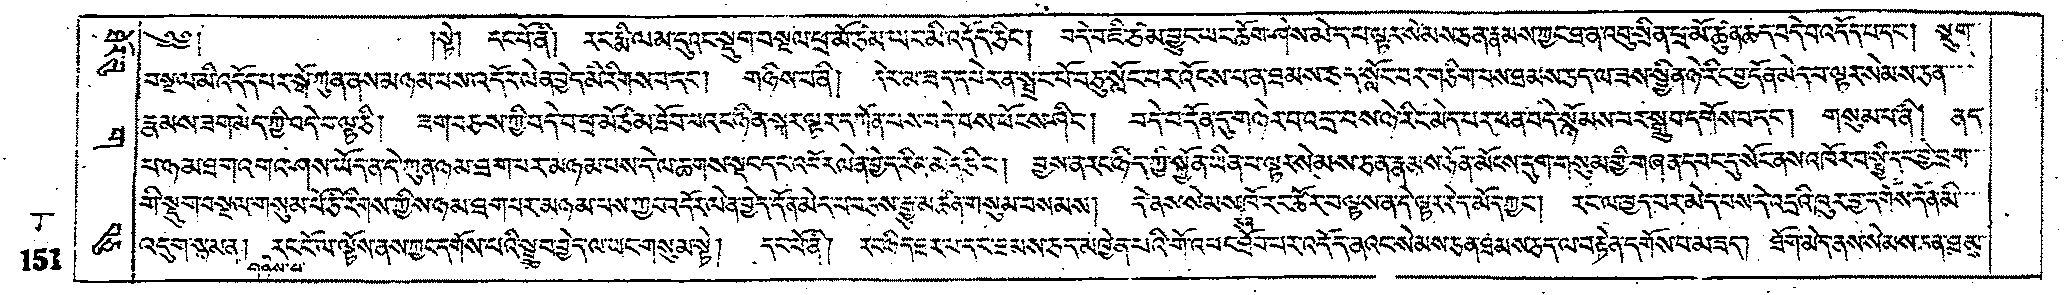༄༅། །སྟེ། དང་པོ་ནི། རང་རྨི་ལམ་དུའང་སྡུག་བསྔལ་ཕྲ་མོ་ཙམ་ཡང་མི་འདོད་ཅིང་། བདེ་བ་ཇི་ཙམ་བྱུང་ཡང་ཆོག་ཤེས་མེད་པ་ལྟར་སེམས་ཅན་རྣམས་ཀྱང་ཐ་ན་འབུ་སྲིན་ཕྲ་མོ་ཚུན་ཆད་བདེ་བ་འདོད་པ་དང་། སྡུག་་་
བསྔལ་མི་འདོད་པར་སྒོ་ཀུན་ནས་མཉམ་པས་འདོར་ལེན་བྱེད་མི་རིགས་པ་དང་། གཉིས་པ་ནི། དེར་མ་ཟད་དཔེར་ན་སྤྲང་པོ་བཅུ་སློང་བར་འོངས་པ་ན་ཐམས་ཅད་སློང་བར་གཅིག་པས་ཐམས་ཅད་ལ་ཟས་སྦྱིན་ཉེ་རིང་བྱ་དོན་མེད་པ་ལྟར་སེམས་ཅན་་་
རྣམས་ཟག་མེད་ཀྱི་བདེ་བ་ལྟ་ཅི། ཟག་བཅས་ཀྱི་བདེ་བ་ཕྲ་མོ་ཙམ་ཐོབ་པའང་ཉིན་སྐར་ལྟར་དཀོན་པས་བདེ་བས་ཕོངས་ཤིང་། བདེ་བ་དོན་དུ་གཉེར་བ་འདྲ་བས་ཉེ་རིང་མེད་པར་ཕན་བདེ་སྙོམས་པར་སྒྲུབ་དགོས་པ་དང་། གསུམ་པ་ནི། ནད་
པ་ཉམ་ཐག་འགའ་ཤས་ཡོད་ན་དེ་ཀུན་ཉམ་ཐག་པར་མཉམ་པས་དེ་ལ་ཆགས་སྡང་དང་འདོར་ལེན་བྱེད་རིན་མེད་ཅིང་། བྱས་ན་རང་ཉིད་ཀྱི་སྐྱོན་ཡིན་པ་ལྟར་སེམས་ཅན་རྣམས་ཉོན་མོངས་དུག་གསུམ་གྱི་གཞན་དབང་དུ་སོང་ནས་འཁོར་བ་སྤྱི་དང་བྱེ་བྲག་་་
གི་སྡུག་བསྔལ་གསུམ་པོ་ཅི་རིགས་ཀྱིས་ཉམ་ཐག་པར་མཉམ་པས་ཀྱང་འདོར་ལེན་བྱེད་དོན་མེད་པ་བཅས་རྒྱུ་མཚན་གསུམ་བསམས། དེ་ནས་སེམས་ཅན་ཁོ་རང་ཚོར་བལྟས་ན་དེ་ལྟར་རེད་མོད་ཀྱང་། རང་ལ་ཁྱད་པར་མེད་པས་དེ་འདྲའི་ཁུར་བྱ་དགོས་དོན་མི་་་
འདུག་སྙམ་ན། གཉིས་པ་རང་ངོ་ལ་ལྟོས་ནས་ཀྱང་དགོས་པའི་སྒྲུབ་བྱེད་ལ་ཡང་གསུམ་སྟེ། དང་པོ་ནི། རང་ཉིད་ཐར་པ་དང་ཐམས་ཅད་མཁྱེན་པའི་གོ་འཕང་ཐོབ་པར་འདོད་ནའང་སེམས་ཅན་ཐམས་ཅད་ལ་བརྟེན་དགོས་པ་མ་ཟད། ཐོག་མེད་ནས་སེམས་ཅན་ཐམས་